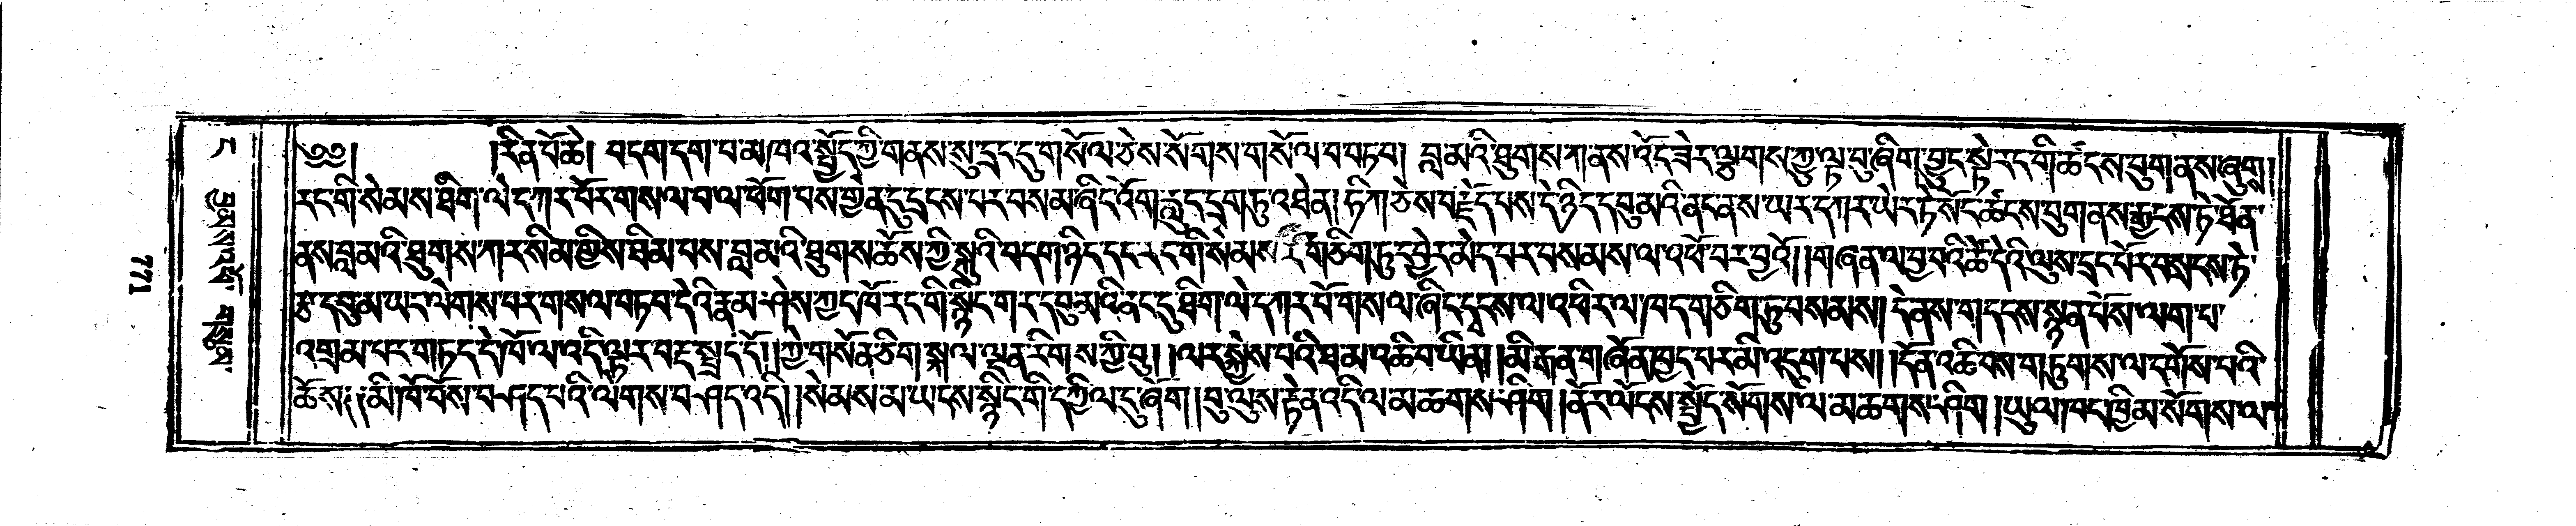༄༅། །རིན་པོ་ཆེ། བདག་དག་པ་མཁའ་སྤྱོད་ཀྱི་གནས་སུ་དྲང་དུ་གསོལ་ཅེས་སོགས་གསོལ་བ་བཏབ། བླ་མའི་ཐུགས་ཀ་ནས་འོད་ཟེར་ལྕགས་ཀྱུ་ལྟ་བུ་ཞིག་བྱུང་སྟེ་རང་གི་ཚངས་བུག་ནས་ཞུགས།
རང་གི་སེམས་ཐིག་ལེ་དཀར་པོར་གསལ་བ་ལ་ཕོག་པས་གྱེན་དུ་དྲངས་པར་བསམ་ཞིང་འོག་རླུང་དྲག་ཏུ་འཐེན། ཧི་ཀ་ཅེས་བརྗོད་པས་དེ་ཉིད་དབུ་མའི་ནང་ནས་ཡར་དཀར་ཡེར་ཏེ་སོང་ཚངས་བུག་ནས་རྒྱངས་ཏེ་ཐོན་
ནས་བླ་མའི་ཐུགས་ཀར་སིམ་གྱིས་ཐིམ་པས་བླ་མའི་ཐུགས་ཆོས་ཀྱི་སྐུའི་བདག་ཉིད་དང་རང་གི་སེམས་རོ་གཅིག་ཏུ་དབྱེར་མེད་པར་བསམས་ལ་འཕོ་བར་བྱའོ། །གཞན་ལ་བྱ་བའི་ཚེ་དེའི་ལུས་དྲང་པོར་བསྲངས་ཏེ་
རྩ་དབུ་མ་ཡང་ལེགས་པར་གསལ་བཏབ་དེའི་རྣམ་ཤེས་ཀྱང་ཁོ་རང་གི་སྙིང་གར་དབུ་མའི་ནང་དུ་ཐིག་ལེ་དཀར་པོ་གསལ་ཞིང་དྭངས་ལ་འཕིར་ལ་ཁད་གཅིག་ཏུ་བསམས། དེ་ནས་གདངས་སྙན་པོས་ལག་པ་
འགྲམ་པར་གཏད་དེ་ཁོ་ལ་འདི་ལྟར་བརྡ་སྤྲད་དོ། །ཀྱེ་གསོན་ཅིག་སྐལ་ལྡན་རིགས་ཀྱི་བུ། །ལར་སྐྱེས་པའི་ཐ་མ་འཆི་བ་ཡིན། །མི་རྒན་གཞོན་ཁྱད་པར་མི་འདུག་པས། །དོན་འཆི་བས་གཏུགས་ལ་དགོས་པའི་
ཆོས༑ ༑མི་ཁོ་བོས་བཤད་པའི་ལེགས་བཤད་འདི། །སེམས་མ་ཡངས་སྙིང་གི་དཀྱིལ་དུ་ཞོག །བུ་ལུས་རྟེན་འདི་ལ་མ་ཆགས་ཤིག །ནོར་ལོངས་སྤྱོད་སོགས་ལ་མ་ཆགས་ཤིག །ཡུལ་ཁང་ཁྱིམ་སོགས་ལ་